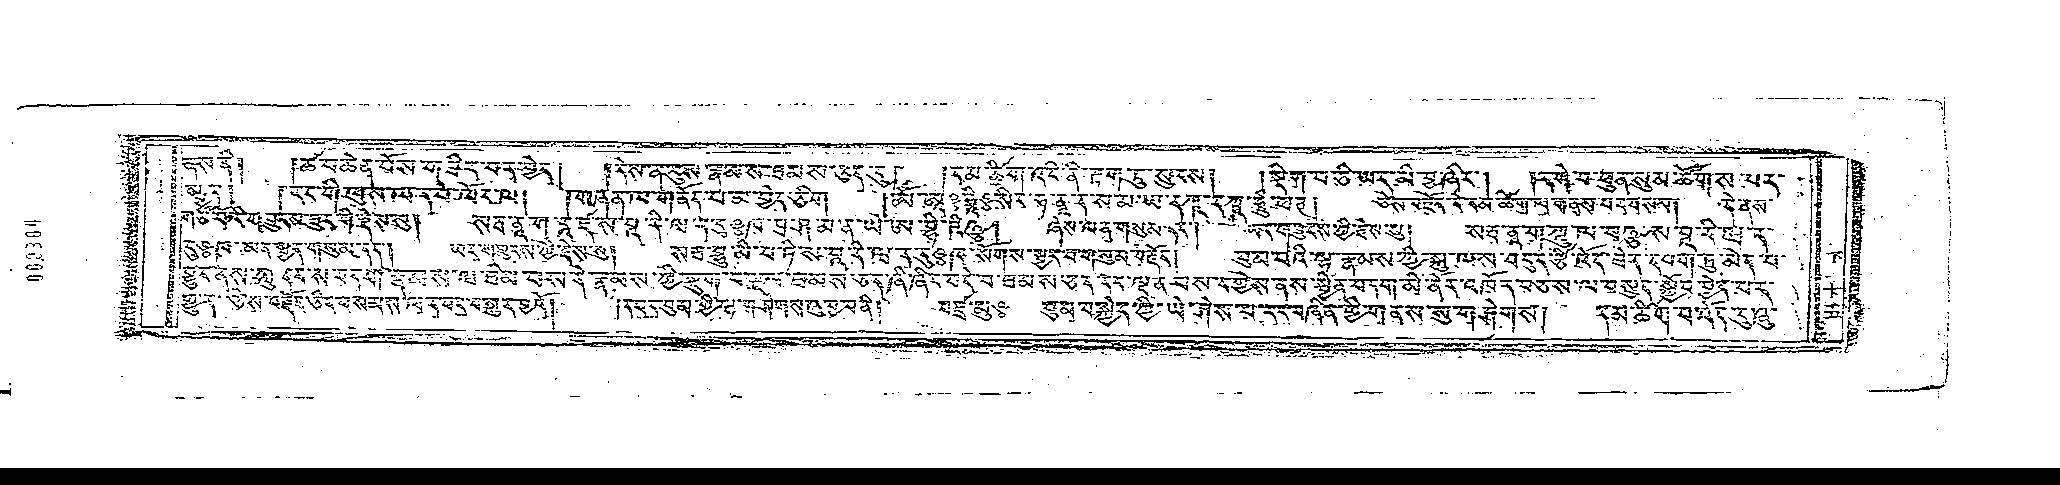ནས་ནི། །ཚབ་ཆེན་པོས་གཟིར་བར་བྱེད། །དེས་ན་དུས་རྣམས་ཐམས་ཅད་དུ། །དམ་ཚིག་འདི་ནི་རྟག་ཏུ་སྲུངས། །སྡིག་པ་ཅི་ཡང་མི་བྱ་ཞིང་། །དགེ་བ་ཕུན་སུམ་ཚོགས་པར་
སྤྱང་། རང་གི་ལུས་ལ་དབེ་ལོང་ལ། གཞན་ལ་གནོད་པ་མ་བྱེད་ཅིག །ཨོཾ་ཨཱཿ་ཧཱིཿ་སིང་ཧ་ནཱ་ད་ས་མ་ཡ་རཀྵ་རཀྵ་ཧཱུཾ་ཕཊ། ཅེས་བརྗོད་དེ་དམ་ཚིག་ལ་གནས་པར་བསམ། དེ་ནས་
གཙོ་བོའི་གཟུངས་ཐུང་གི་རྗེས་སུ། སརྦ་ནཱ་ག་རཱ་ཛ་ས་པཱ་རི་ཝ་ར་དུཿ ཁ་པྲ་ཤ་མན་ཡེ་ཨ་བྷི་ཥི་ཙྪ། ཞེས་ལན་གསུམ་དང་། ཡང་གཟུངས་ཀྱི་རྗེས་སུ། སརྦ་ནཱ་ག་ཀླུ་ལ་པཉྩ་ས་པཱ་རི་ལྤ་ར་
དུཿ་ཁ་མན་སྦྱར་གསུམ་དང་། ཡང་གཟུངས་ཀྱི་རྗེས་སུ། སརྦ་བྷུ་མི་པ་ཏི་ས་པཱ་རི་ཝ་ར་དུཿ་ཁ་སོགས་སྦྱད་པ་གསུམ་བརྗོད། །བུམ་པའི་ལྷ་རྣམས་ཀྱི་སྐུ་ལས་བདུད་རྩི་འོད་ཟེར་དཔག་ཏུ་མེད་པ་
བྱུང་ཞས་ཀླུ་དང་ས་བདག་རྣམས་ལ་ཐིམ་པས་དེ་རྣམས་ཀྱི་སྡུག་བསྔལ་ཐམས་ཅད་ཞི་ཞིང་བདེ་བ་ཐམས་ཅད་དང་ལྡན་པས་དགྱེས་ནས་སྦྱིན་བདག་མི་ནོར་འཁོར་བཅས་ལ་བསྲུང་སྐྱོབ་བྱེད་པར་
གྱུར་ཅེས་བརྗོད་ཅིང་བསམས་ལ་དབང་བསྐུར་བྱའོ། དབང་བུམ་གྱི་ལྷག་གཤེགས་ཞུ་བྱ་བ་ནི། བཛྲ་མུཿ་བུམ་བསྐྱེད་ཀྱི་ཡེ་ཤེས་པ་རང་བཞིན་གྱི་གནས་སུ་གཤེགས། དམ་ཚིག་པ་འོད་དུ་ཞུ་